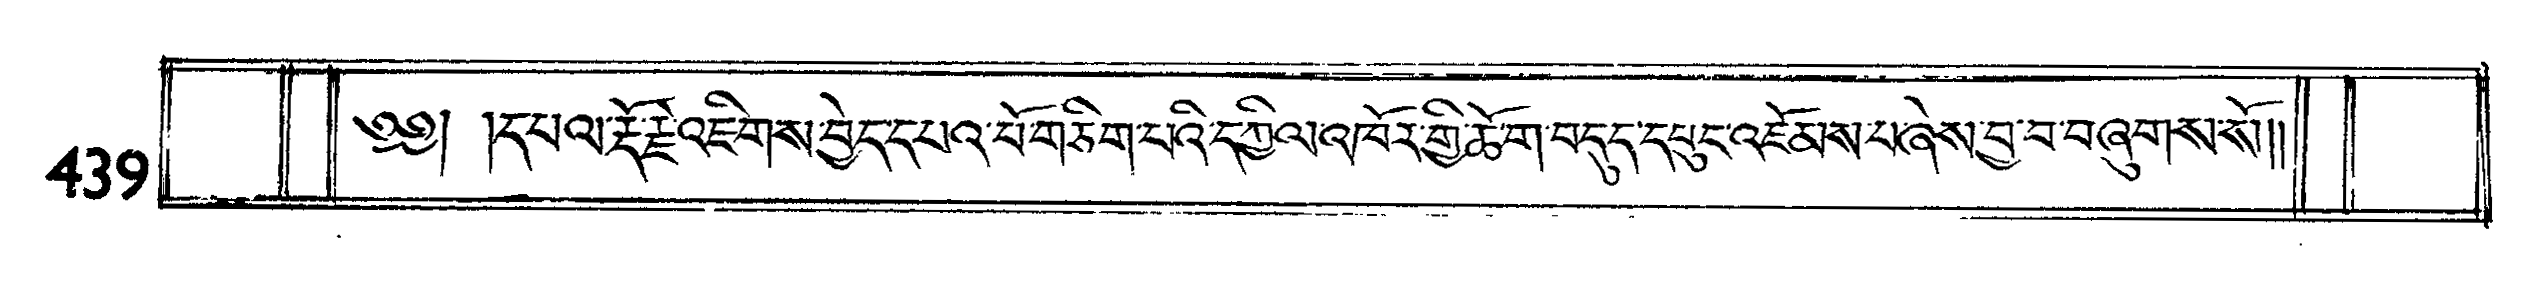༄༅། །དཔལ་རྡོ་རྗེ་འཇིགས་བྱེད་དཔའ་བོ་གཅིག་པའི་དཀྱིལ་འཁོར་གྱི་ཆོ་ག་བདུད་དཔུང་འཇོམས་པ་ཞེས་བྱ་བ་བཞུགས་སོ། །